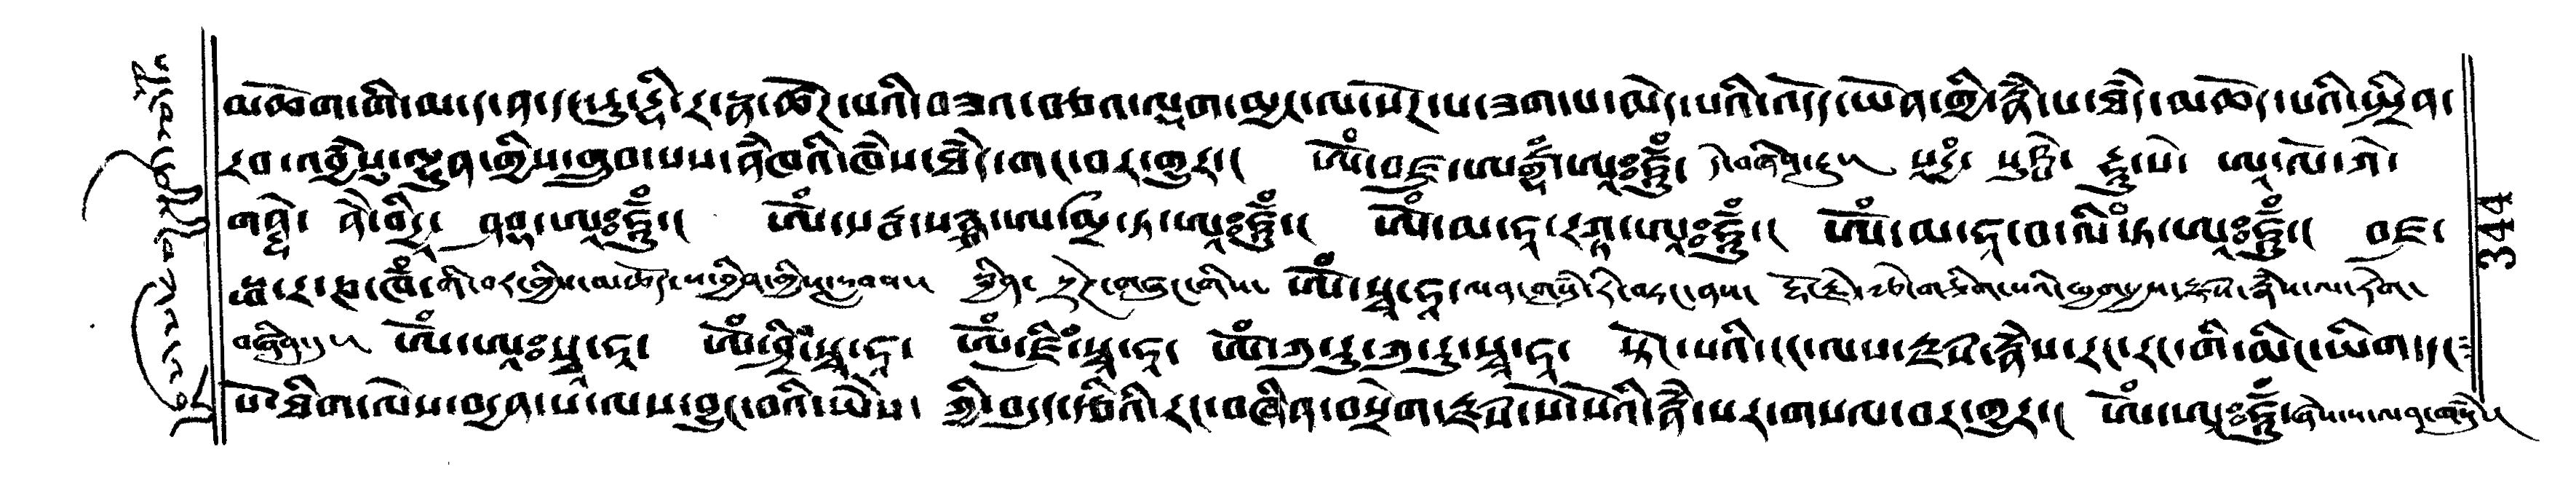མཆོག་གི་མ་ད་ན་དང་རུ་དྷི་ར་སྣ་ཚོགས་པའི་བཟའ་བཅའ་ལྡག་མྱང་ལ་སོགས་པ་ཟག་པ་མེད་པའི་འདོད་ཡོན་གྱི་རྣམ་པ་ཐམས་ཅད་མཆོད་པའི་སྤྲིན་
རབ་འབྱམས་སུ་ལྷུན་གྱིས་གྲུབ་པས་ནམ་མཁའི་ཁམས་ཐམས་ཅད་གང་བར་གྱུར།ཨོཾ་བཛྲ་ཨརྒྷཾ་ཨཱཿཧཱུྃ། དེ་བཞིན་ཏུ། པཱདྱཾ། པུཥྤེ། དྷཱུ་པེ། ཨཱ་ལོ་ཀེ
གནྡྷེ། ནཻབིདྱཱ། ཤབྡ་ཨཱཿཧཱུྃ། ཨོཾ་སརྦ་པཉྩ་ཨ་མྲི་ཏ་ཨཱཿཧཱུྃ། ཨོཾ་མ་ཧཱ་རཀྟ་ཨཱཿཧཱུྃ། ཨོཾ་མ་ཧཱ་བ་ལིཾ་ཏ་ཨཱཿཧཱུྃ། བཛྲ་
སྥ་ར་ཎ་ཁྃ་གི་བར་གྱིས་མཆོད་པ་བྱིན་གྱིས་རླབ། སྦྱིན་སྲེག་གཞུང་གི ཨོཾ་སྭཱ་ཧཱ། ལན་གསུམ་རེ་བཏང་ནས། རྡོ་རྗེ་རྩེ་གཅིག་པའི་ཕྱག་རྒྱས་རྫས་རྣམས་ལ་རེག་
བཞིན་དུ། ཨོཾ་ཨཱཿསྭཱ་ཧཱ། ཨོཾ་ཤྲཱིཾ་སྭཱ་ཧཱ། ཨོཾ་ཛྲིཾ་སྭཱ་ཧཱ། ཨོཾ་ཀུ་རུ་ཀུ་རུ་སྭཱ་ཧཱ། སྟོང་པའི་ངང་ལས་རྫས་རྣམས་རང་རང་གི་མིང་ཡིག་དང་
པོ་ཐིག་ལེས་བརྒྱན་པ་ལས་བྱུང་བའི་ཡེ་ཤེས་ཀྱི་བདུད་རྩིའི་རང་བཞིན་བསྲེག་རྫས་སོ་སོའི་རྣམ་པར་གསལ་བར་གྱུར། ཨོཾ་ཨཱཿཧཱུྃ། ཞེས་པ་ལན་གསུམ།